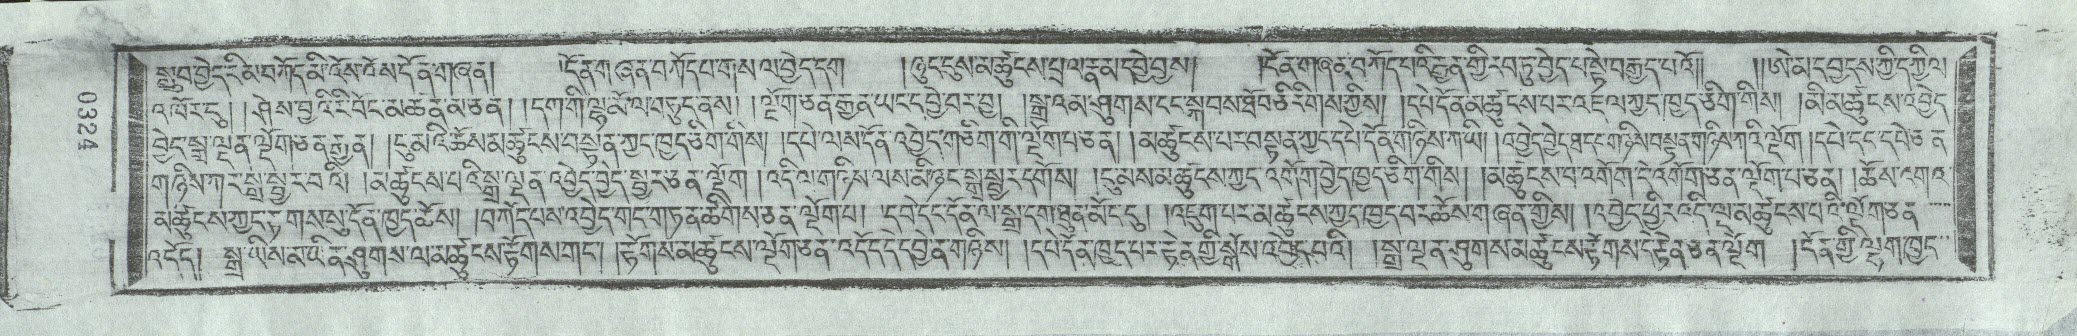སྒྲུབ་བྱེད་རིམ་བཀོད་མི་འོས་འོས་དོན་གཞན། །དོན་གཞན་བཀོད་པ་གསལ་བྱེད་དག །ཉུང་དུས་མཚུངས་པྲལ་རྣམ་དབྱེ་བྱས། །དོན་གཞན་བཀོད་པའི་རྒྱན་གྱི་རབ་ཏུ་བྱེད་པ་སྟེ་བརྒྱད་པའོ།། །།ཨེ་མ་དབྱངས་ཀྱི་དཀྱིལ་
འཁོར་དུ། །ཤེས་བྱའི་རི་བོང་མཚན་མ་ཅན། །དག་གི་ལྷ་མོ་ལ་བཏུང་ནས། །ལྡོག་ཅན་རྒྱན་ཡང་དབྱེ་བར་བྱ། །སྒྲུ་འམ་ཤུགས་ངང་སྐབས་ཐོབ་ཅི་རིགས་ཀྱིས། །དཔེ་དོན་མཚུངས་པར་འཇལ་ཀྱང་ཁྱད་ཅིག་གིས། །མི་མཚུངས་འབྱེད་
བྱེད་སྒྲ་ལྡན་ལྡོག་ཅན་རྒྱན། །དུ་མའི་ཆོས་མཚུངས་བསྟན་ཀྱང་ཁྱད་ཅིག་གིས། །དཔེ་ལས་དོན་འབྱེད་གཅིག་གི་ལྡོག་པ་ཅན། །མཚུངས་པར་བསྟན་ཀྱང་དཔེ་དོན་གཉིས་ཀ་ཡི། །འབྱེད་བྱེད་ཐ་དང་གཉིས་བསྟན་གཉིས་ཀའི་ལྡོག། །དཔེ་དང་དཔེ་ཅན་ན་
གཉིས་ཀར་སྒྲ་སྦྱར་བའི། །མཚུངས་པའི་སྒྲ་ལྡན་འབྱེད་བྱེད་སྦྱར་ཅན་ལྡོག །འདི་ལ་གཉིས་ལས་མི་ཉང་སྒྲ་སྦྱར་དགོས། །ངུ་མས་མཚུངས་ཀྱང་འགོག་བྱེད་ཁྱད་ཅིག་གིས། །མཚུངས་པ་འགོག་དེ་འགོག་ཅན་ལྡོག་པ་ཅན། །ཆོས་འགའ་
མཚུངས་ཀྱང་རྟགས་སུ་དོན་ཁྱད་ཆོས། །བཀོད་པས་འབྱེད་གང་གཏན་ཚིགས་ཅན་ལྡོག་པ། །དཔེ་དང་དོན་ལ་སྒྲ་དག་ཐུན་མོང་དུ། །འཇུག་པར་མཚུངས་ཀྱང་ཁྱད་པར་ཆོས་གཞན་གྱིས། །འབྱེད་ཕྱིར་འདི་ལྔ་མཚུངས་པའི་ལྡོགས་ཅན?
འདོད། སྒྲ་ཡིས་མ་ཡིན་ཤུགས་ལ་མཚུངས་རྟོགས་གང་། །རྟོགས་མཚུངས་ལྡོག་ཅན་འདོད་དེ་དབྱེ་ན་གཉིས། །དཔེ་དོན་ཁྱད་པར་རྟེན་གྱི་སྒོས་འབྱེད་པའི། །སྒྲ་ལྡན་ཤུགས་མཚུངས་རྟོགས་དང་རྟེན་ཅན་ལྡོག །དོན་གྱི་ལྷག་ཁྱད་